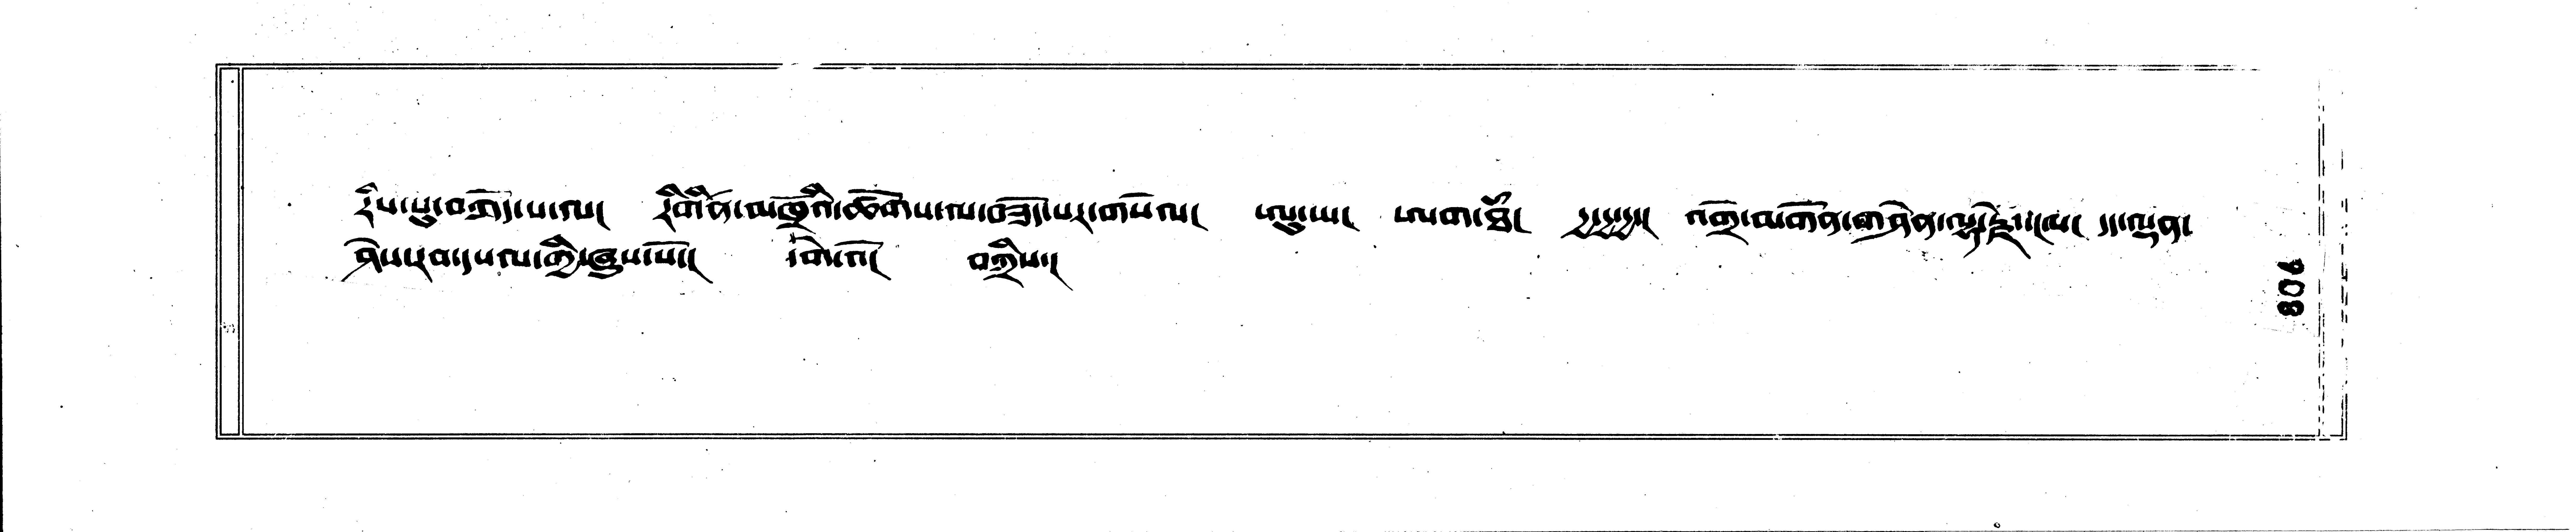རིས་སུ་བཀོད་པ་ལ། །རིག་འཛིན་མཁའ་འགྲོའི་ཚོགས་ལ་བཟོད་པར་གསོལ།། །།ཨུ་ཡ། ཨག་ཐམ། རྒྱ་རྒྱ་རྒྱ། འགྲོ་མགོན་གཤེན་ལྷ་རྗེ་ང་ལ། དད་ལྡན་
ཤེས་རབ་དཔལ་གྱིས་ཞུས་སོ།། །།དགེའོ། བཀྲ་ཤིས། ༼ལ༽